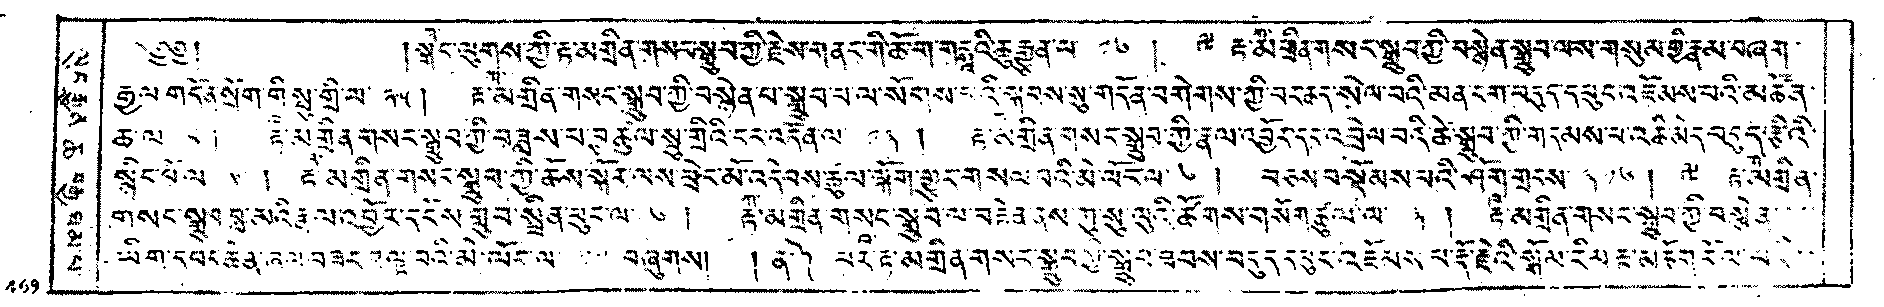༄༅། །སྒང་ཀ་ལུགས་ཀྱི་རྟ་མགྲིན་གསང་སྒྲུབ་ཀྱི་རྗེས་གནང་གི་ཆོ་ག་གངྒཱའི་ཆུ་རྒྱུན་ལ ༡༦། ~྾་རྟ་ཀ་མགྲིན་གསང་སྒྲུབ་ཀྱི་བསྙེན་སྒྲུབ་ལས་གསུམ་གྱི་རྣམ་བཞག་
རྒྱལ་གདོན་སྲོག་གི་སྤུ་གྲི་ལ ༢༥། རྟ་ཀ་མགྲིན་གསང་སྒྲུབ་ཀྱི་བསྙེན་པ་སྒྲུབ་པ་ལ་སོགས་པའི་སྐབས་སུ་གདོན་བགེགས་ཀྱི་བར་ཆད་སེལ་བའི་མན་ངག་བདུད་དཔུང་འཇོམས་པའི་མཚོན་
ཆ་ལ ༨། {ཁ}་རྟ་མགྲིན་གསང་སྒྲུབ་ཀྱི་བཟླས་པ་བྱ་ཚུལ་སྤུ་གྲིའི་ངར་འདོན་ལ ༡༣། རྟ་ཀ་མགྲིན་གསང་སྒྲུབ་ཀྱི་རྣལ་འབྱོར་དང་འབྲེལ་བའི་ཚེ་སྒྲུབ་ཀྱི་གདམས་པ་འཆི་མེད་བདུད་རྩིའི་
སྙིང་པོ་ལ ༤། ར་རྟ་མགྲིན་གསང་སྒྲུབ་ཀྱི་ཆོས་སྐོར་ལས་ཕྲེང་མོ་འདེབས་ཚུལ་ལྐོག་གྱུར་གསལ་བའི་མེ་ལོང་ལ ༦། བཅས་བསྡོམས་པའི་ཤོག་གྲངས ༣༡༦། ~྾་རྟ་ཀ་མགྲིན་
གསང་སྒྲུབ་བླ་མའི་རྣལ་འབྱོར་དངོས་གྲུབ་སྤྲིན་ཕུང་ལ ༦། རྟ་ཀ་མགྲིན་གསང་སྒྲུབ་ལ་བརྟེན་ནས་ཀུ་སུ་ལུའི་ཚོགས་གསོག་ཚུལ་ལ ༣། {ཁ}་རྟ་མགྲིན་གསང་སྒྲུབ་ཀྱི་བསྙེན་
ཡིག་དབང་ཆེན་ཞལ་བཟང་བལྟ་བའི་མེ་ལོང་ལ ༡༡་བཞུགས། །ན྄་པར་ཁ་རྟ་མགྲིན་གསང་སྒྲུབ་ཀྱི་སྒྲུབ་ཐབས་བདུད་དཔུང་འཇོམས་པ་རྡོ་རྗེའི་སྒོམ་རིམ་རྟ་མཆོག་རོལ་པའི་